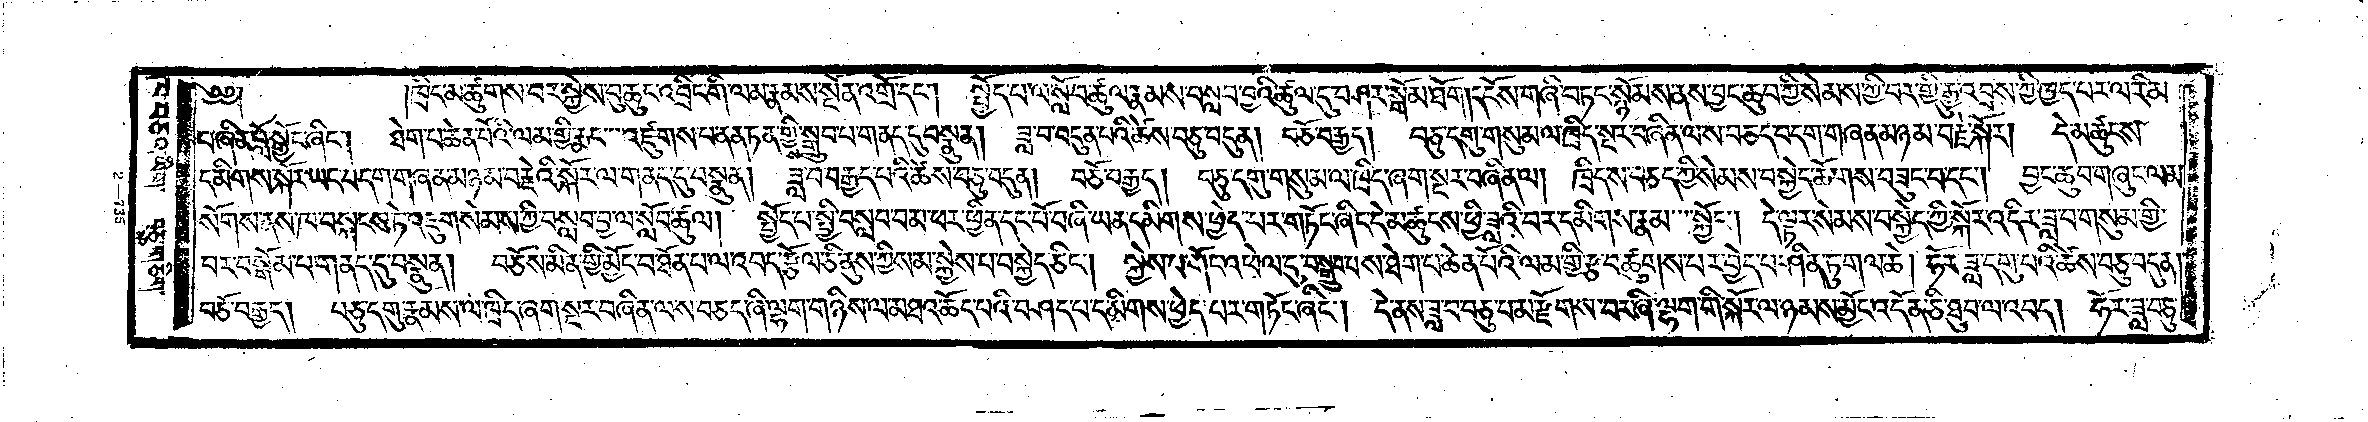༄༅། །ཁྲིད་མཚུགས་བར་སྐྱེས་བུ་ཆུང་འབྲིང་གི་ལམ་རྣམས་སྔོན་འགྲོ་དང་། སྤྱོད་པ་ལ་སློབ་ཚུལ་རྣམས་བསླབ་བྱའི་ཚུལ་དུབ་ཤར་སྒོམ་ཐོག། དངོས་གཞི་བཏང་སྙོམས་ནས་བྱང་ཆུབ་ཀྱི་སེམས་ཀྱི་བར་གྱི་རྒྱུ་འབྲས་ཀྱི་ཁྱད་པར་ལ་རིམ་
བཞིན་བློ་སྒྱོང་ཞིང་། ཐེག་པ་ཆེན་པོའི་ལམ་གྱི་རྨང་འཛུགས་པ་ནན་ཏན་གྱིས་སྒྲུབ་པ་གནད་དུ་བསྣུན། ཟླ་བ་བདུན་པའི་ཚེས་བཅུ་བདུན། བཅོ་བརྒྱད། བཅུ་དགུ་གསུམ་ལ་ཁྲིད་སྔར་བཞིན་ལས་བཅད་བདག་གཞན་མཉམ་བརྗེ་སྐོར། དེ་མཚུངས་
དམིགས་སྐོར་ཡང་བདག་གཞན་མཉམ་བརྗེའི་སྐོར་ལ་གནད་དུ་བསྣུན། ཟླ་བ་བརྒྱད་པའི་ཚེས་བཅུ་བདུན། བཅོ་བརྒྱད། བཅུ་དགུ་གསུམ་ལ་ཁྲིད་ཞག་སྔར་བཞིན་ལ། ཁྲིད་ས་བཅད་ཀྱི་སེམས་བསྐྱེད་ཚོགས་བཟུང་བ་དང་། བྱང་ཆུབ་གཞུང་ལམ་
སོགས་ནས་ཁ་བསྐངས་ཏེ་འཇུག་སེམས་ཀྱི་བསླབ་བྱ་ལ་སློབ་ཚུལ། སྤྱོད་པ་སྤྱི་བསླབ་བམ་ཕར་ཕྱིན་དང་པོ་བཞི་ཡན་དམིགས་ཕྱེད་པར་གཏོང་ཞིང་དེ་མཚུངས་ཕྱི་ཟླའི་བར་དམིགས་རྣམ་སྐྱོང་། དེ་ལྟར་སེམས་བསྐྱེད་ཀྱི་སྐོར་འདིར་ཟླ་བ་གསུམ་གྱི་
བར་བསྒོམ་པ་གནད་དུ་བསྣུན། བཅོས་མིན་གྱི་མྱོང་བ་ཐོན་པ་ལ་འབད་རྩོལ་ཅི་ནུས་ཀྱིས་མ་སྐྱེས་པ་བསྐྱེད་ཅིང་། སྐྱེས་པ་གོང་འཕེལ་དུ་བསྒྲུབ་པས་ཐེག་པ་ཆེན་པོའི་ལམ་གྱི་རྩ་བ་ཚུགས་པར་བྱེད་པ་ཤིན་ཏུ་གལ་ཆེ། ཧོར་ཟླ་དགུ་པའི་ཚེས་བཅུ་བདུན་
བཅོ་བརྒྱད། བཅུ་དགུ་རྣམས་ལ་ཁྲིད་ཞག་སྔར་བཞིན་ལས་བཅད་ཞི་ལྷག་གཉིས་ལ་མཐའ་ཆོད་བའི་བཤད་པ་དམིགས་བྱེད་པར་གཏོང་ཞིང་། དེ་ནས་ཟླ་བ་བཅུ་པ་མ་རྫོགས་པར་ཞི་ལྷག་གི་སྐོར་ལ་ཉམས་མྱོང་འདོན་ཅི་ཐུབ་ལ་འབད། ཧོར་ཟླ་བཅུ་